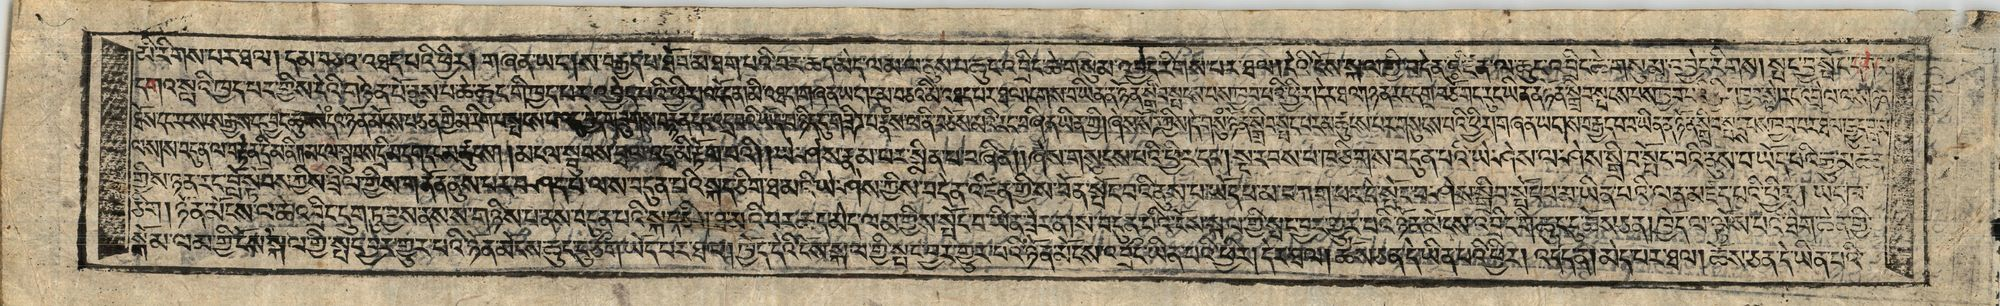མི་རིགས་པར་ཐལ། དམ་བཅའ་འཐད་པའི་ཕྱིར། གཞན་ཡང་། ས་བརྒྱད་པ་ཐོག་མ་ཐག་པའི་བར་ཆད་མེད་ལམ་ལ་ནུས་པ་ཆུང་འབྲིང་ཆེ་གསུམ་འབྱེད་རིགས་པར་ཐལ། དེའི་ངོས་སྐལ་གྱི་བདེན་འཛིན་ལ་ཆུང་འབྲིང་ཆེ་གསུམ་འབྱེད་རིགས། སྤང་བྱ་སྤོང་
དཀའ་སླའི་ཁྱད་པར་གྱིས་དེའི་གཉེར་པོ་ནུས་པ་ཆེ་ཆུང་གི་ཁྱད་པར་འབྱེད་པའི་ཕྱིར། འདོད་ན། མི་འཐད། གཞན་ཡང་། དམ་བཅའ་མི་འཐད་པར་ཐལ། དགས་?་པ་ཡིན་ན་ཉོན་སྒྲིབ་སྤངས་བས་ཁྱབ་པའི་ཕྱིར། དེར་ཐལ། ཉན་རང་དགྲ་བཅོམ་རུང་ཡིན་ན་ཉོན་སྒྲིབ་སྤངས་པས་ཁྱབ་པའི་ཕྱིར། ཁྱབ་སྟེ། རང་འགྲེལ་ལས། ཉན་
ཐོས་དང་རང་སངས་རྒྱས་དང་བྱང་ཆུབ་སེམས་དཔའ་ཉོན་མོངས་པ་ཅན་གྱི་མ་རིག་པ་སྤངས་པ་འདུ་བྱེད་གཟུགས་བརྙན་དང་འདྲ་བའི་ཡོད་པ་ཉིད་དུ་གཟིགས་པ་རྣམས་ལ་ནི་བཅོས་མའི་རང་བཞིན་ཡིན་གྱི། ཞེས་སོགས་ཀྱིས། དེ་གསུམ་ཉོན་སྒྲིབ་སྤང་པར་མཚུངྦའི་ཕྱིར། གཞན་ཡང་། ས་བརྒྱད་པ་བ་ཡིན་ན་ཉོན་སྒྲིབ་སྤངས་བས་ཁྱབ་བར་ཐལ། རྒྱུད་བླ་མ་
ལས། ས་བདུན་ལ་བརྟེན་དྲི་མ་ནི། མངལ་སྦུབས་དྲི་མ་དག་དང་མཚུངས། །མངལ་སྦུབས་བྲལ་འདྲ་མི་རྟོག་པའི། །ཡེ་ཤེས་རྣམ་པར་སྨིན་པ་བཞིན། །ཞེས་གསུངས་པའི་ཕྱིར་དང་། སྔ་རབས་པ་པ་ཀཧྕིག་ས་འདུན་པའི་ཡེ་ཤེས་ལ་ཤེས་སྒྲིབ་སྤོང་པའི་ནུས་པ་ཡོད་པའི་རྒྱུ་མཚན་
གྱིས་ཉན་རང་བློབསྟོབས་ཀྱིས་ཟིལ་གྱིས་གནོན་ནུས་པར་བཤད་པ་ལ་ས་བདུན་པའི་སྐད་ཅིག་ཐ་མའི་ཡེ་ཤེས་གྱིས་བདནྰྫིན་གྱི་ས་བོན་སྤོང་བའི་ནུས་པ་ཡོད་པ་མ་བཀག་པར་དེ་སྤོང་བ་ཤེས་སྒྲིབ་སྤོང་བ་མ་ཡིན་པའི་ལན་མཛད་པའི་ཕྱིར། ཡང་ཁ་
ཅིག །ཉོན་མོངས་ལ་ཆེ་འབྲིང་དྲུག་ཏུ་བྱ་སྣསྶ་གཉིས་པ་ནས་བདུན་པའི་སྐད་ཅིག་ཐ་མའི་པར་ཆད་མེད་ལམ་གྱིས་སྤང་པ་ཡིན་ཟེར་ན། ས་བདུན་པའི་ངོས་སྐལ་གྱི་སྤང་བྱར་གྱུར་པའི་ཉོན་མོངས་འབྲིང་གི་ཆུང་ངུ་ཆོས་ཅན། ཁྱོད་ལ་ལྟོས་པའི་ཐེག་ཆེན་གྱི་
སྒོམ་ལམ་གྱི་ངོས་སྐལ་གྱི་སྤང་བྱར་གྱུར་པའི་ཉོན་མོངས་ཆུང་ངུ་ཅིག་ཡོད་པར་ཐལ། ཁྱོད་དེའི་ངོས་སྐལ་གྱི་སྤང་བྱར་གྱུར་པའི་ཉོན་མོངས་འབྲིང་ཡིན་པའི་ཕྱིར། དེར་ཐལ། ཆོས་ཅན། དེ་ཡིན་པའི་ཕྱིར། འདོད་ན། མེད་པར་ཐལ། ཆོས་ཅན་དེ་ཡིན་པའི་